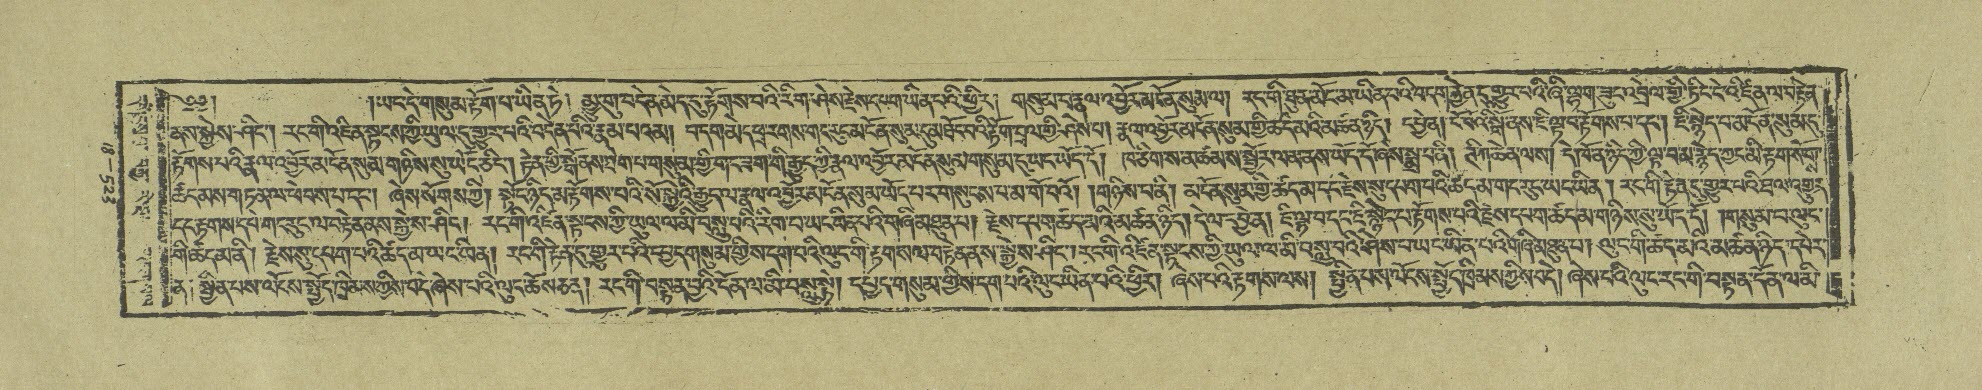༄༅། །ཡང་དེ་གསུམ་རྟོགས་པ་ཡིན་ཏེ། མྱུ་གུ་བདེན་མེད་དུ་རྟོགས་པའི་རིག་ཤེས་རྗེས་དཔག་ཡིན་པའི་ཕྱིར། གསུམ་པ་རྣལ་འབྱོར་མངོན་སུམ་ལ། རང་གི་ཐུན་མོང་མ་ཡིན་པའི་བདག་རྐྱེན་དུ་གྱུར་བའི་ཞི་ལྷག་ཟུང་འབྲེལ་གྱི་ཏིང་ངེ་འཛིན་ལ་བརྟེན་
ནས་སྐྱེས་ཤིང་། རང་གི་འཛིན་སྟངས་ཀྱི་ཡུལ་དུ་གྱུར་བའི་བདེན་པའི་རྣམ་པའམ། བདག་མེད་ཕྲ་རགས་གང་རུང་མངོན་སུམ་དུ་མཐོང་བའི་རྟོག་བྲལ་གྱི་ཤེས་པ། རྣལ་འབྱོར་མངོན་སུམ་གྱི་ཚད་མའི་མཚན་ཉིད། དབྱེ་ན། ངོ་བོའི་སྒོ་ནས་ཇི་ལྟ་བ་རྟོགས་པ་དང་། ཇི་སྙེད་པ་མངོན་སུམ་དུ་
རྟོགས་པའི་རྣལ་འབྱོར་མངོན་སུམ་གཉིས་སུ་ཡོད་ཅིང་། རྟེན་གྱི་སྒོ་ནས་ཐེག་པ་གསུམ་གྱི་གང་ཟག་གི་རྒྱུད་ཀྱི་རྣལ་འབྱོར་མངོན་སུམ་གསུམ་དུ་ཡང་ཡོད་དོ། །ཁ་ཅིག་ས་མཚམས་སྦྱོར་ལམ་ནས་ཡོད་དོ་ཞེས་སྨྲ་བ་ནི། ཊིཀ་ཆེན་ལས། དེ་ཁོ་ན་ཉིད་ཀྱི་ལྟ་བ་མ་རྙེད་ཀྱང་མི་རྟག་སོགས་
ཚད་མས་གཏན་ལ་ཕེབས་པ་དང་། ཞེས་སོགས་ཀྱི། སྟོང་ཉིད་མ་རྟོགས་པའི་སོ་སྐྱེའི་རྒྱུད་ལ་རྣལ་འབྱོར་མངོན་སུམ་ཡོད་པར་གསུངས་པ་མ་གོ་བའོ། །གཉིས་པ་ནི། མངོན་སུམ་གྱི་ཚད་མ་དང་རྗེས་སུ་དཔག་པའི་ཚེད་མ་གང་རུང་ཡང་ཡིན། རང་གི་རྟེན་དུ་གྱུར་པའི་ཐལ་འགྱུར་
དང་རྟགས་དཔེ་གང་རུང་ལ་བརྟེན་ནས་སྐྱེས་ཤིང་། རང་གི་འཛིན་སྟངས་ཀྱི་ཡུལ་ལ་མི་བསླུ་བའི་རིག་པ་ཡང་ཡིན་པའི་གཞི་མཐུན་པ། རྗེས་དཔག་ཚད་མའི་མཚན་ཉིད། དེ་ལ་དབྱེ་ན། ཇི་ལྟ་བ་དང་ཇི་སྙེད་པ་རྟོགས་པའི་རྗེས་དཔག་ཚད་མ་གཉིས་སུ་ཡོད་དོ། །གསུམ་པ་ལུང་
གི་ཚད་མ་ནི། རྗེས་སུ་དཔག་པའི་ཚད་མ་ཡང་ཡིན། རང་གི་རྟེན་དུ་གྱུར་པའི་དཔྱད་གསུམ་གྱིས་དག་པའི་ལུང་གི་རྟགས་ལ་བརྟེན་ནས་སྐྱེས་ཤིང་། རང་གི་འཛིན་སྟངས་ཀྱི་ཡུལ་ལ་མི་བསླུ་བའི་ཤེས་པ་ཡང་ཡིན་པའི་གཞི་མཐུན་པ། ལུང་གི་ཚད་མའི་མཚན་ཉིད། དཔེར་
ན། སྦྱིན་པས་ལོངས་སྤྱོད་ཕྲིམས་ཀྱིས་བདེ་ཞེས་པའི་ལུང་ཆོས་ཅན། རང་གི་བསྟན་བྱའི་དོན་ལ་མི་བསླུ་སྟེ། དཔྱད་གསུམ་གྱིས་དག་པའི་ལུང་ཡིན་པའི་ཕྱིར། ཞེས་པའི་རྟགས་ལས། སྦྱིན་པས་ལོངས་སྤྱོད་ཁྲིམས་ཀྱིས་བདེ། ཞེས་པའི་ལུང་རང་གི་བསྟན་དོན་ལ་མི་